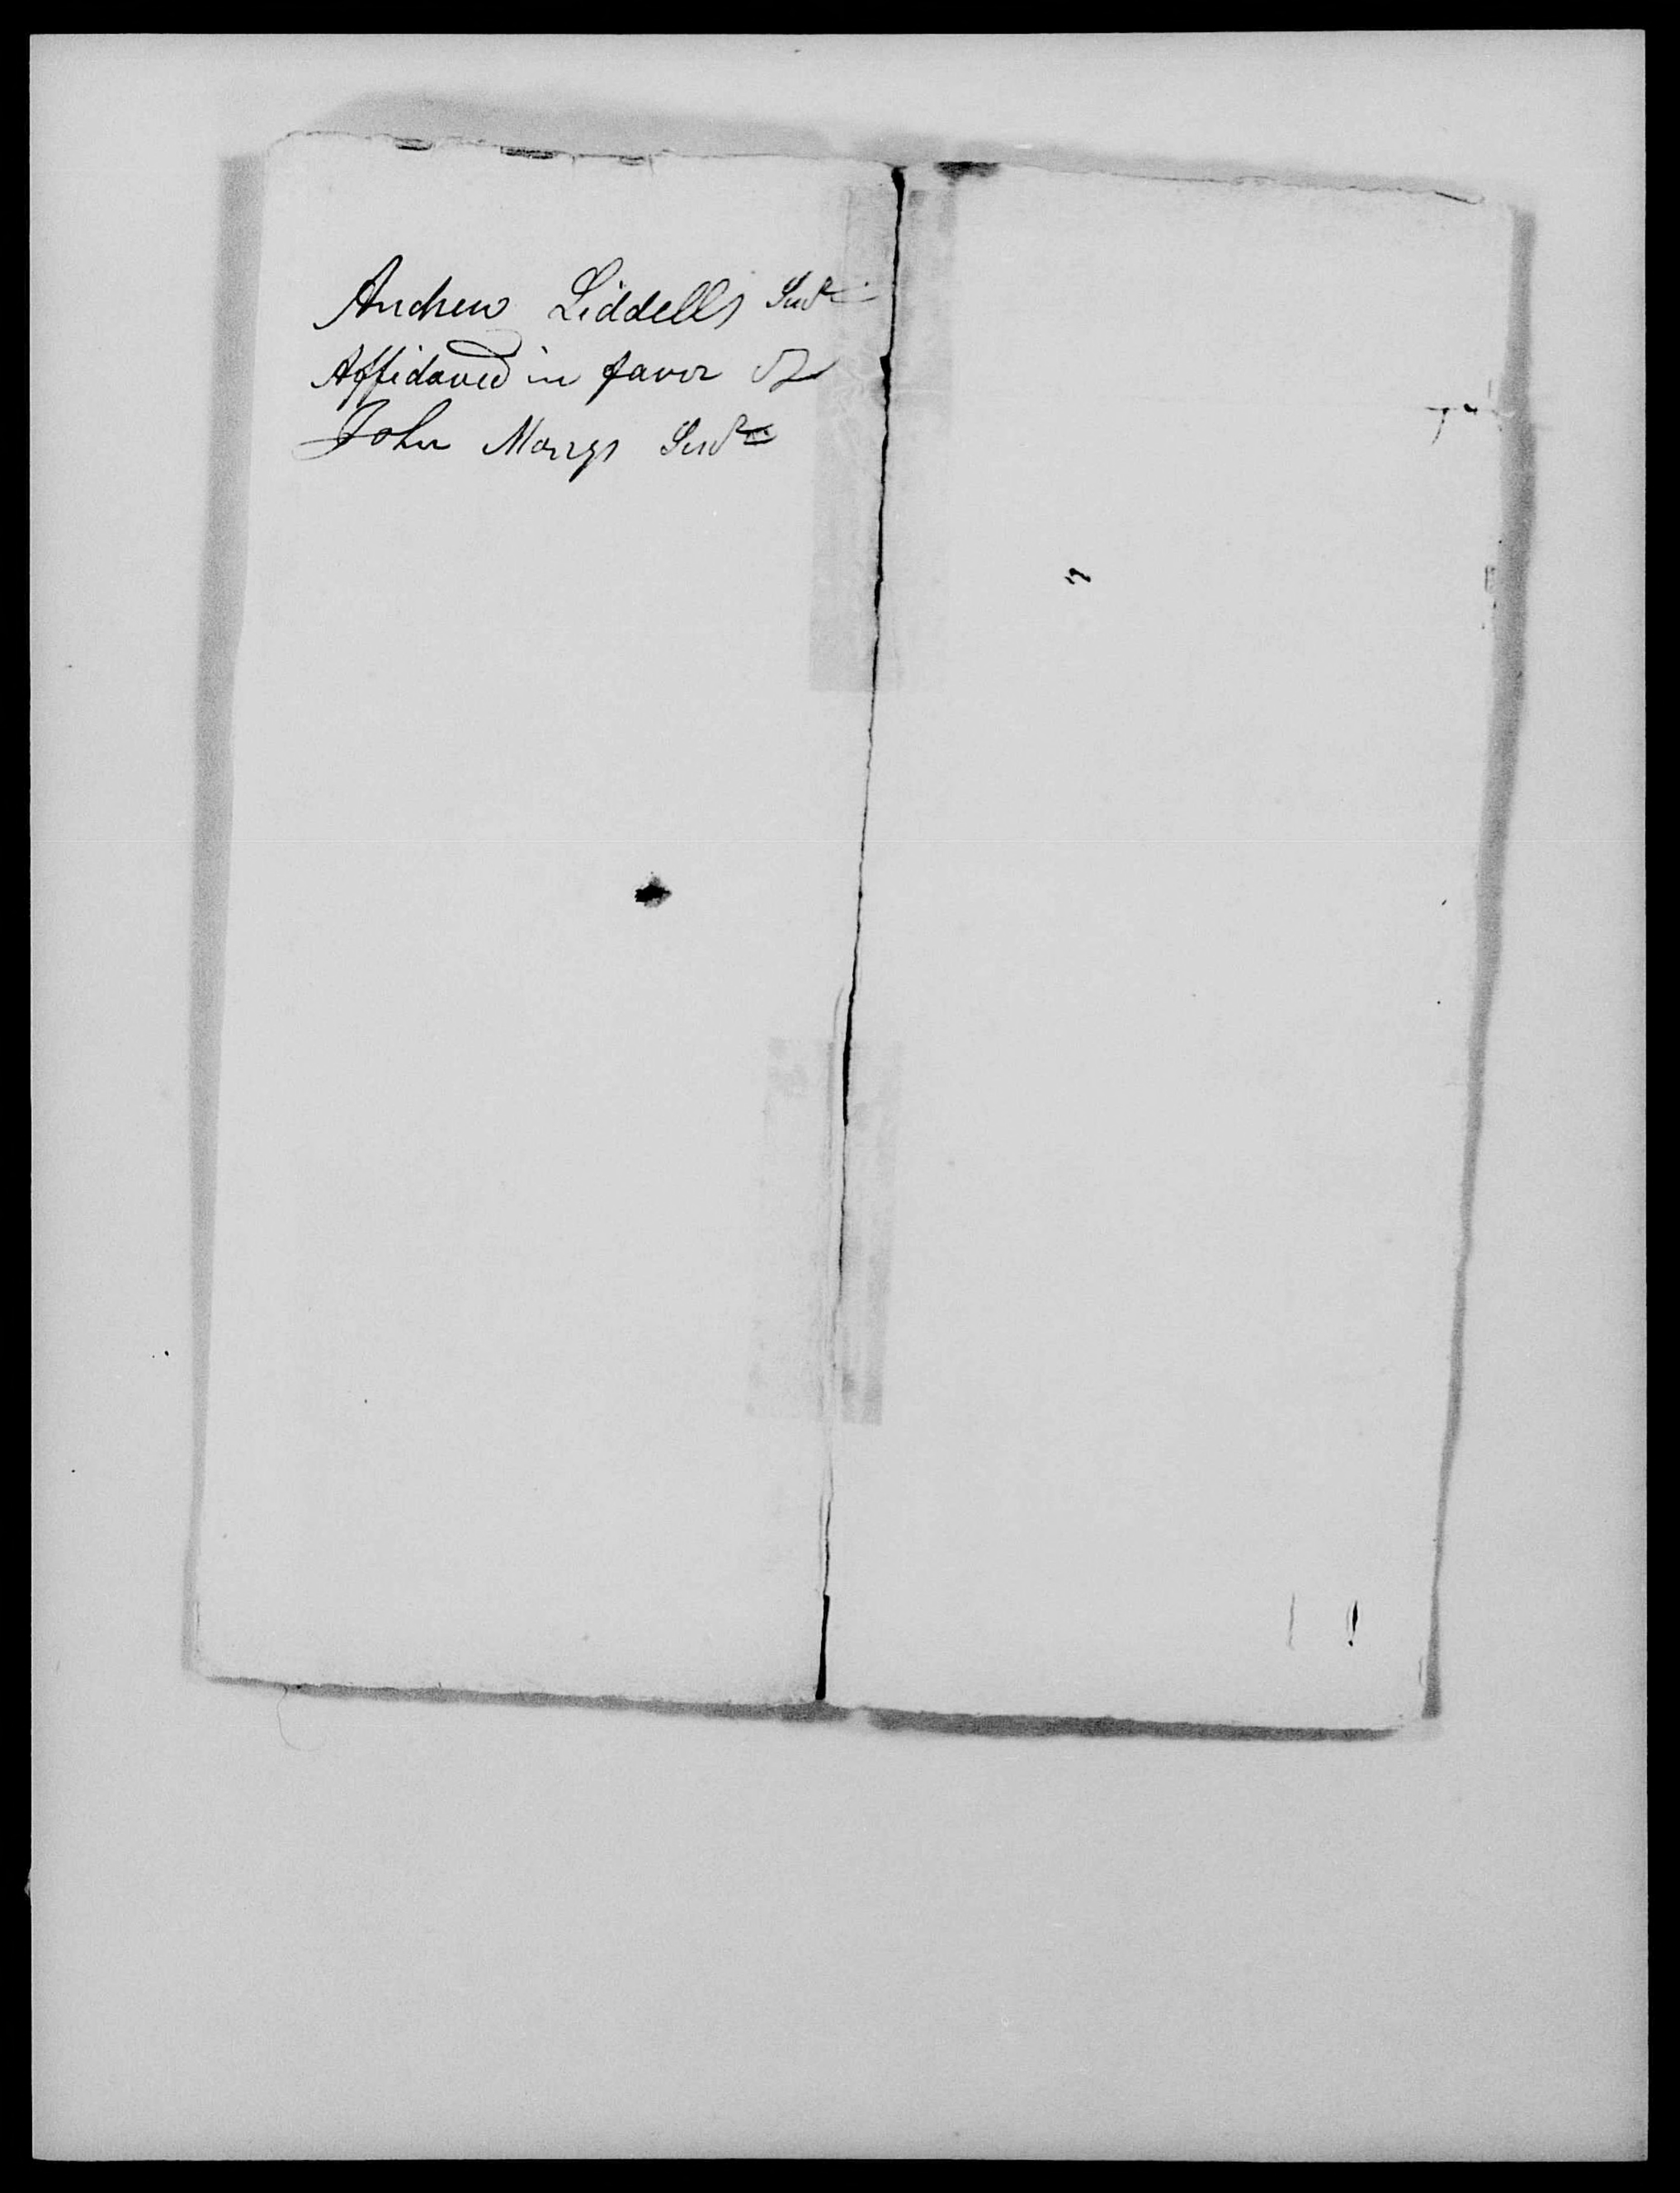Andrew
Liddell Junr
Affidavit in favor of
John Morrys Senr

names: Andrew Liddell; John Morrys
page: 19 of 20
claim: rejected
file: R. 7407, for John Morriss, South Carolina